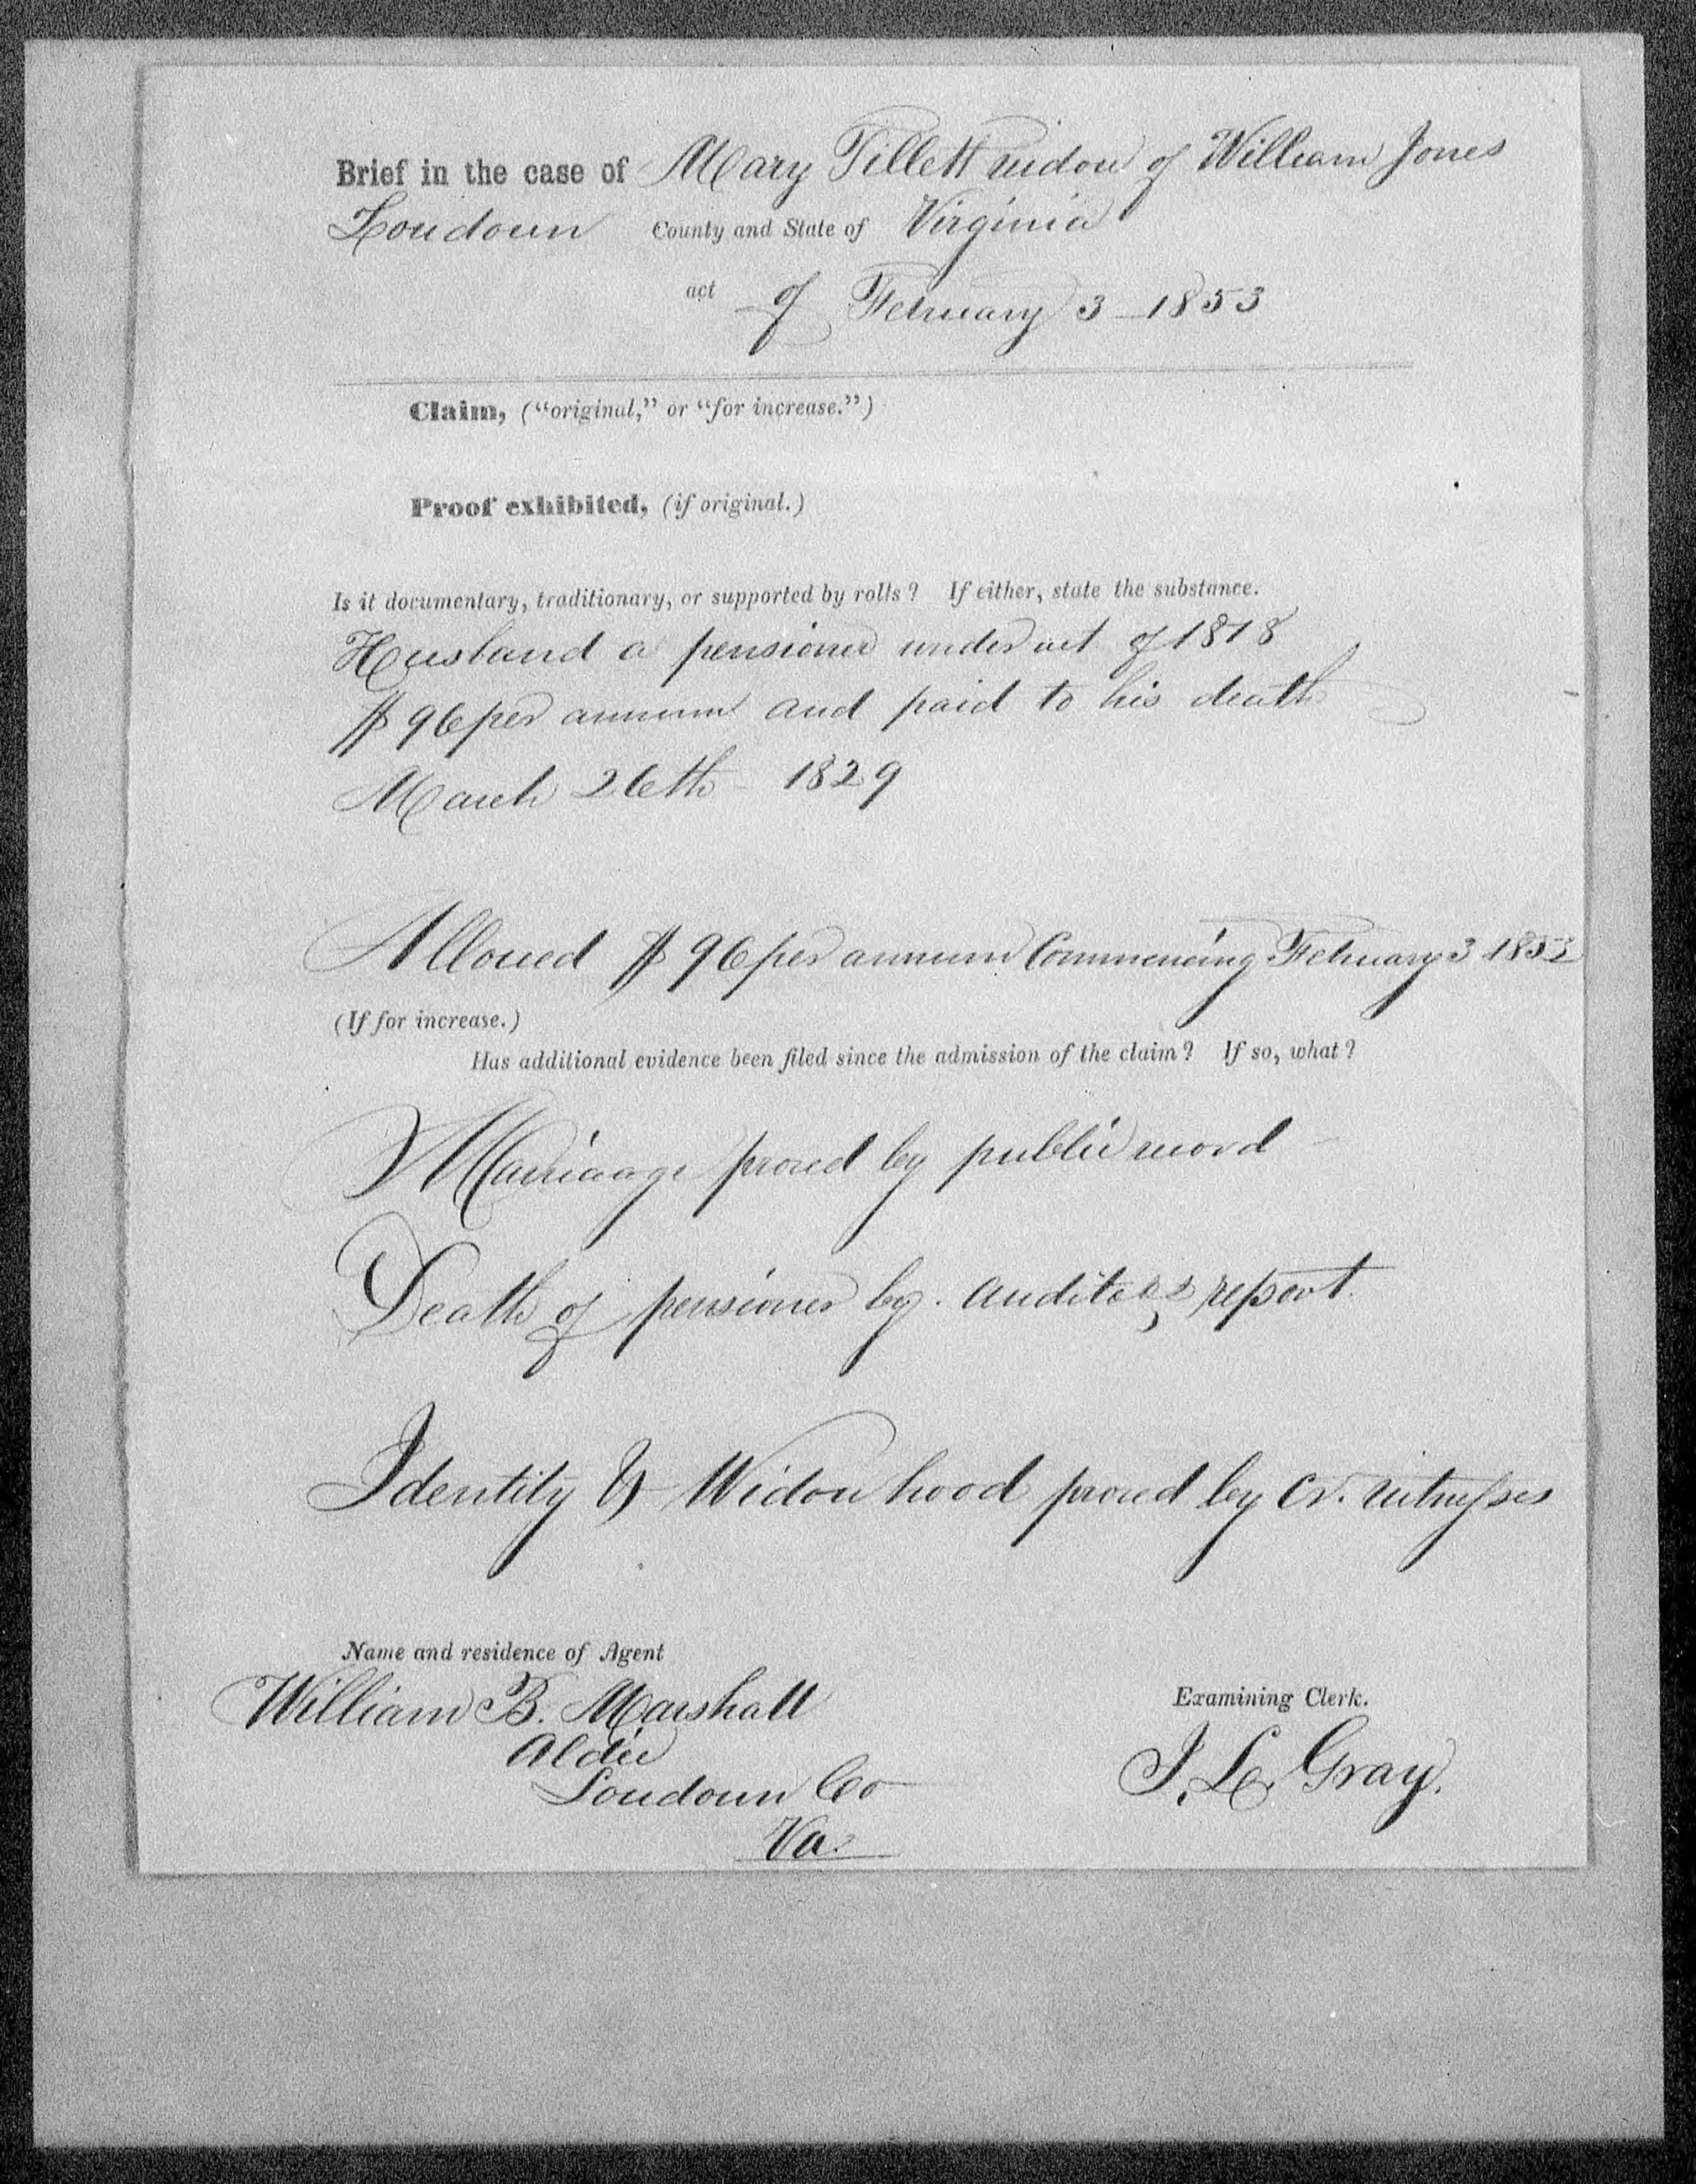Brief in the case of Mary Tillett widow of William Jones Loudoun County and State of Virginia 
act of February 3 1853

Claim, ("original," or "for increase.")

Proof exhibited, (if original.)

Is it documentary, traditionary, or supported by rolls? If either, state the substance.
Husband a pensioner under act of 1818 $96 per annum and paid to his death March 26th 1829

Allowed $96 per annum commencing February 3 1853

(If for increase.)
Has additional evidence been filed since the admission of the claim?  If so, what?
Marriage proved by public word
Death of pensioner by auditor's report
Identity of Widowhood proved by cr. witnesses

Name and residence of Agent
William B. Marshall
Aldie
Loudoun Co
Va

Examine Clerk.
J.L. Gray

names: William Jones; William B Marshall; J L Gray; Mary Tillett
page: 39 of 39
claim: widow's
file: W 6292, for William Jones, Maryland